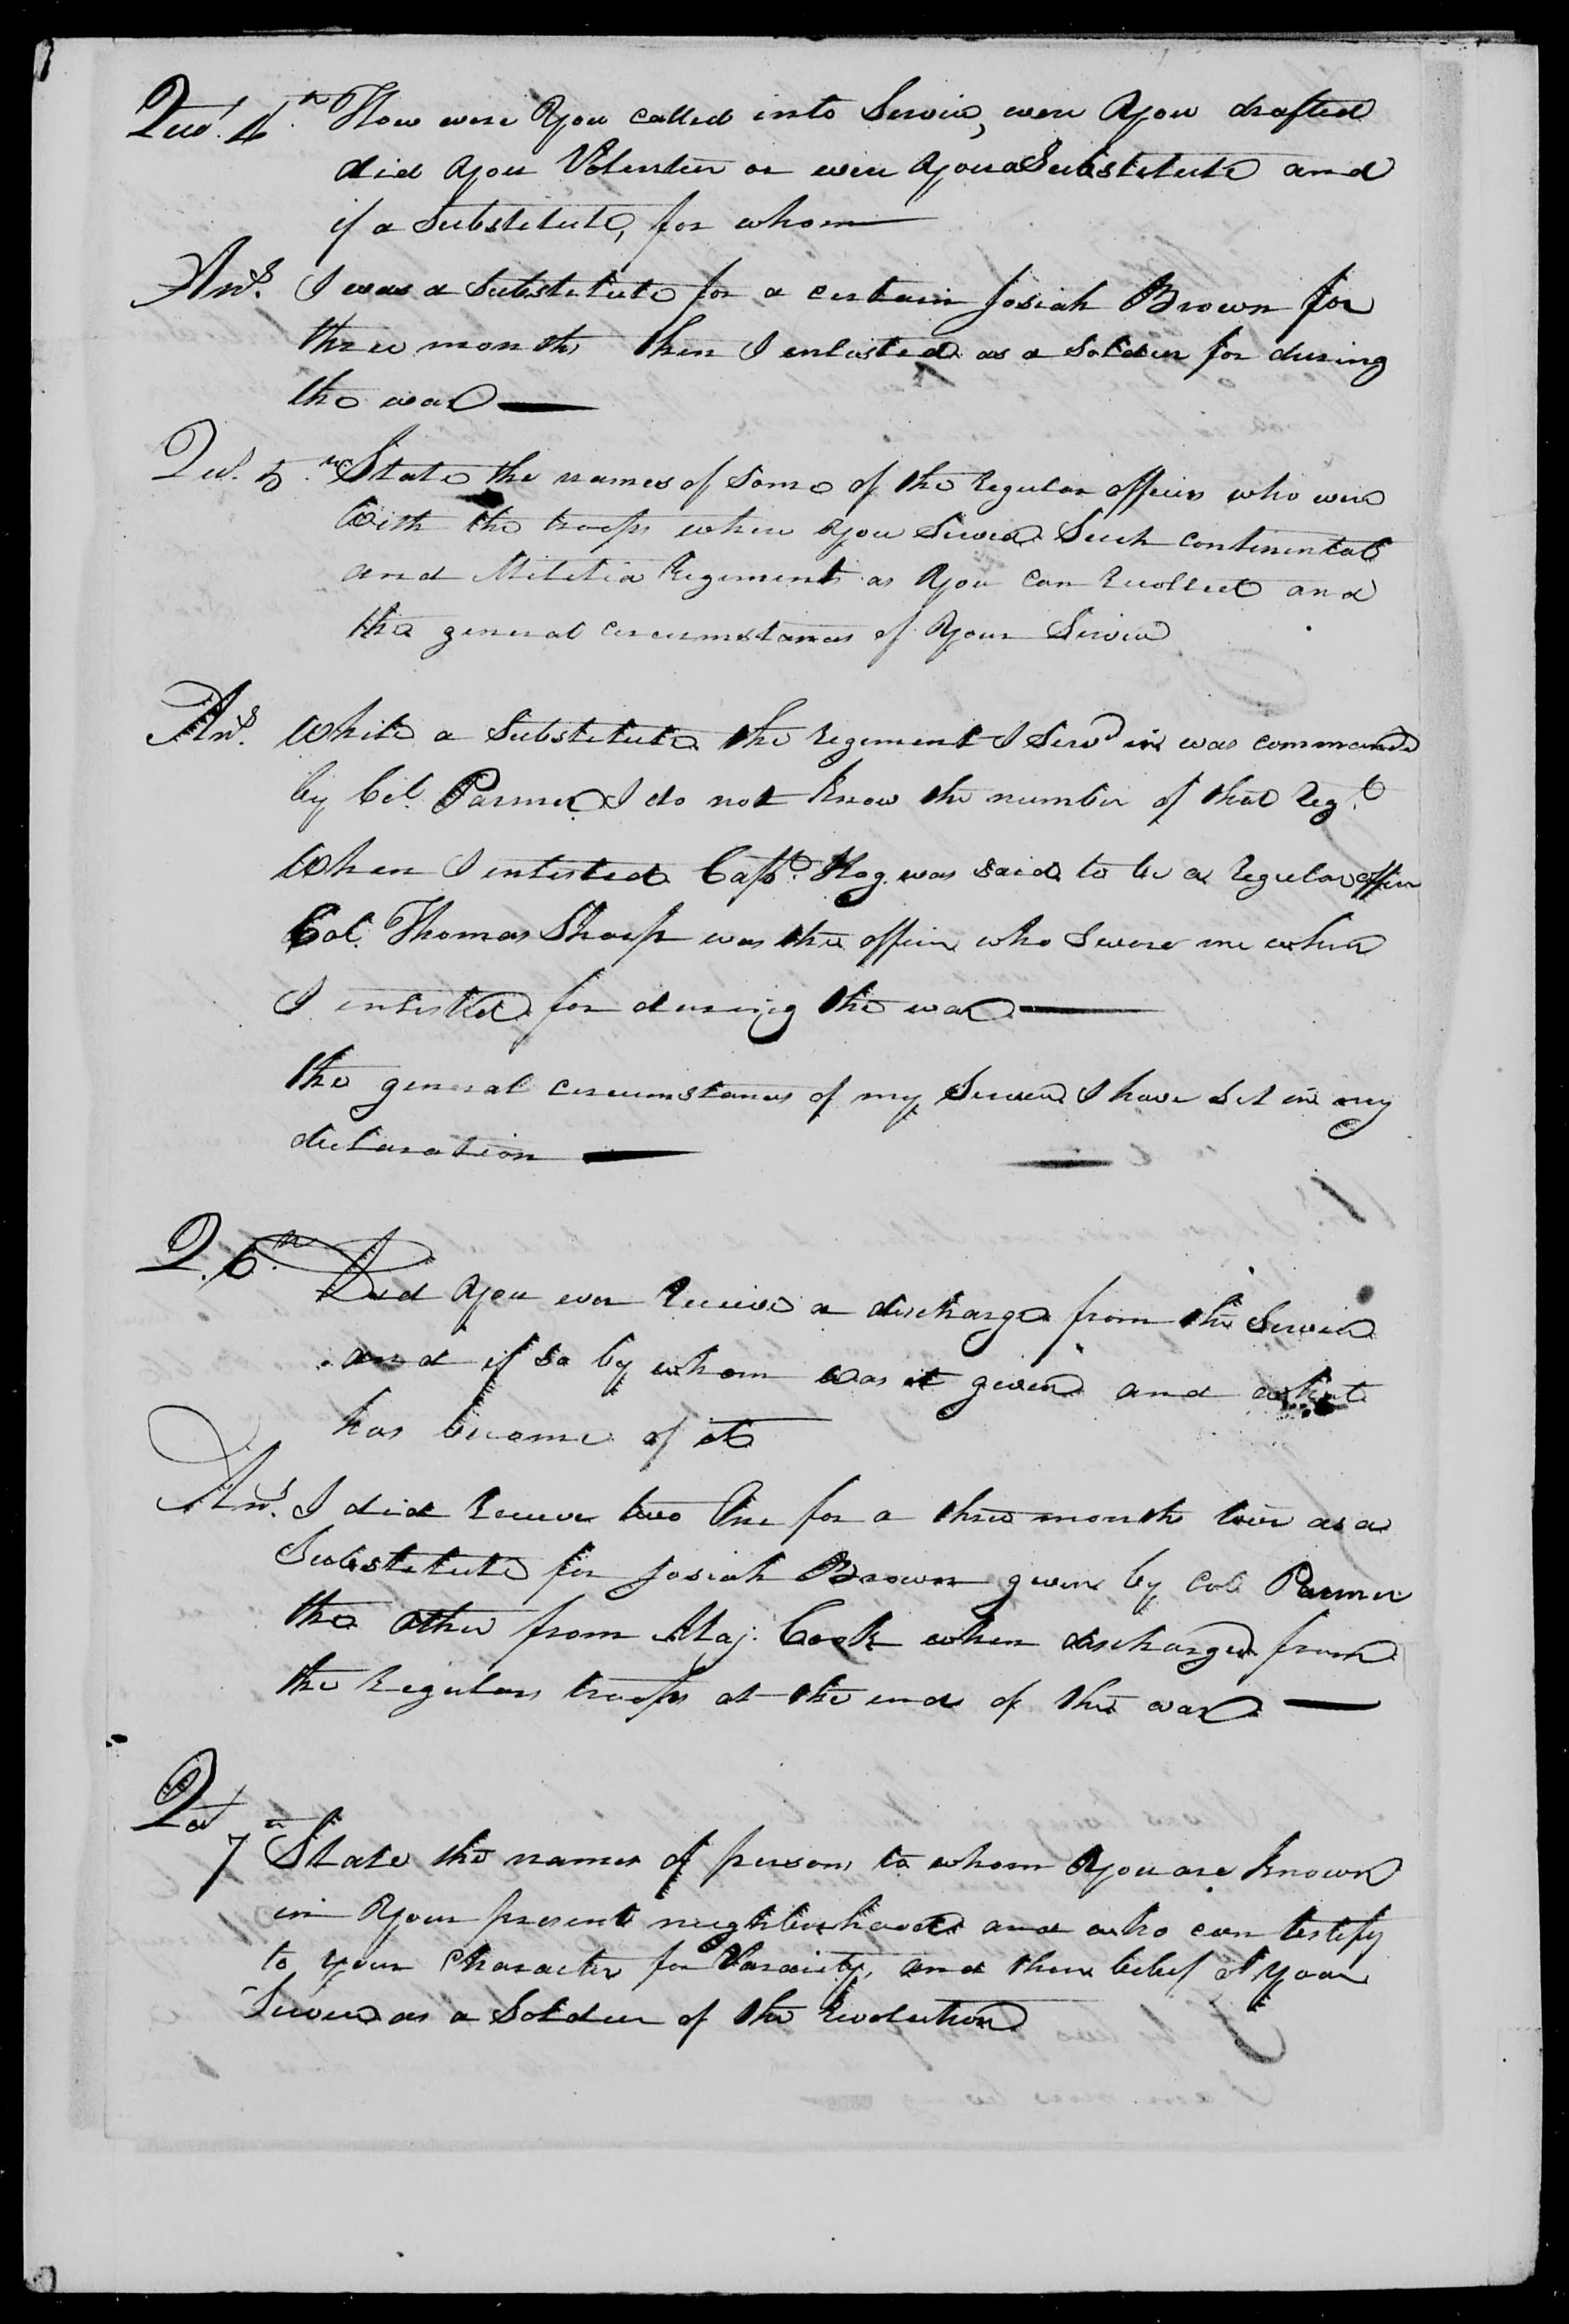forty-two years from thence I moved to this County where I am now living -- 
4th  How were you called into service; were you drafted; did you volunteer or were you a 
substitute, and if in substitute, for whom? 
Ans: I was a Substitute for a certain Josiah Brown for 3 months; then I enlisted as a 
Soldier for during the war -- 
5th  State the names of some of the regular officers who were with the troops when you served, 
such Continental and militia regiments as you can recollect and the general circumstances of 
your service. 
Ans: While a Substitute the Regiment I served and was commanded by Colonel Parmer. I 
do not know the number of that Regiment. When I enlisted Captain Hogg was said to be a 
regular officer. Colonel Thomas Sharp was the officer who swore me when I enlisted for during the war -- the general circumstances of my Service I have set in my declaration. 
6th  Did you ever receive a discharge from the service, and if so, by whom was it given and what has become of it? 
Ans: I did receive two one for a 3 month tour as a Substitute for Josiah Brown given by 
Colonel Parmer the other from Major Cook written discharge from the Regular troops at the end of the war. 
7th  State the names of persons to whom you are known in your present neighborhood and who can testify as to your character for veracity and their belief in your services as a soldier in the revolution.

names: [BLANK] Cook; [BLANK] Hog; Josiah Brown; Thomas Sharp; [BLANK] Parmer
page: 9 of 16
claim: survivor's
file: S 4506, for William Lawhorn, North Carolina